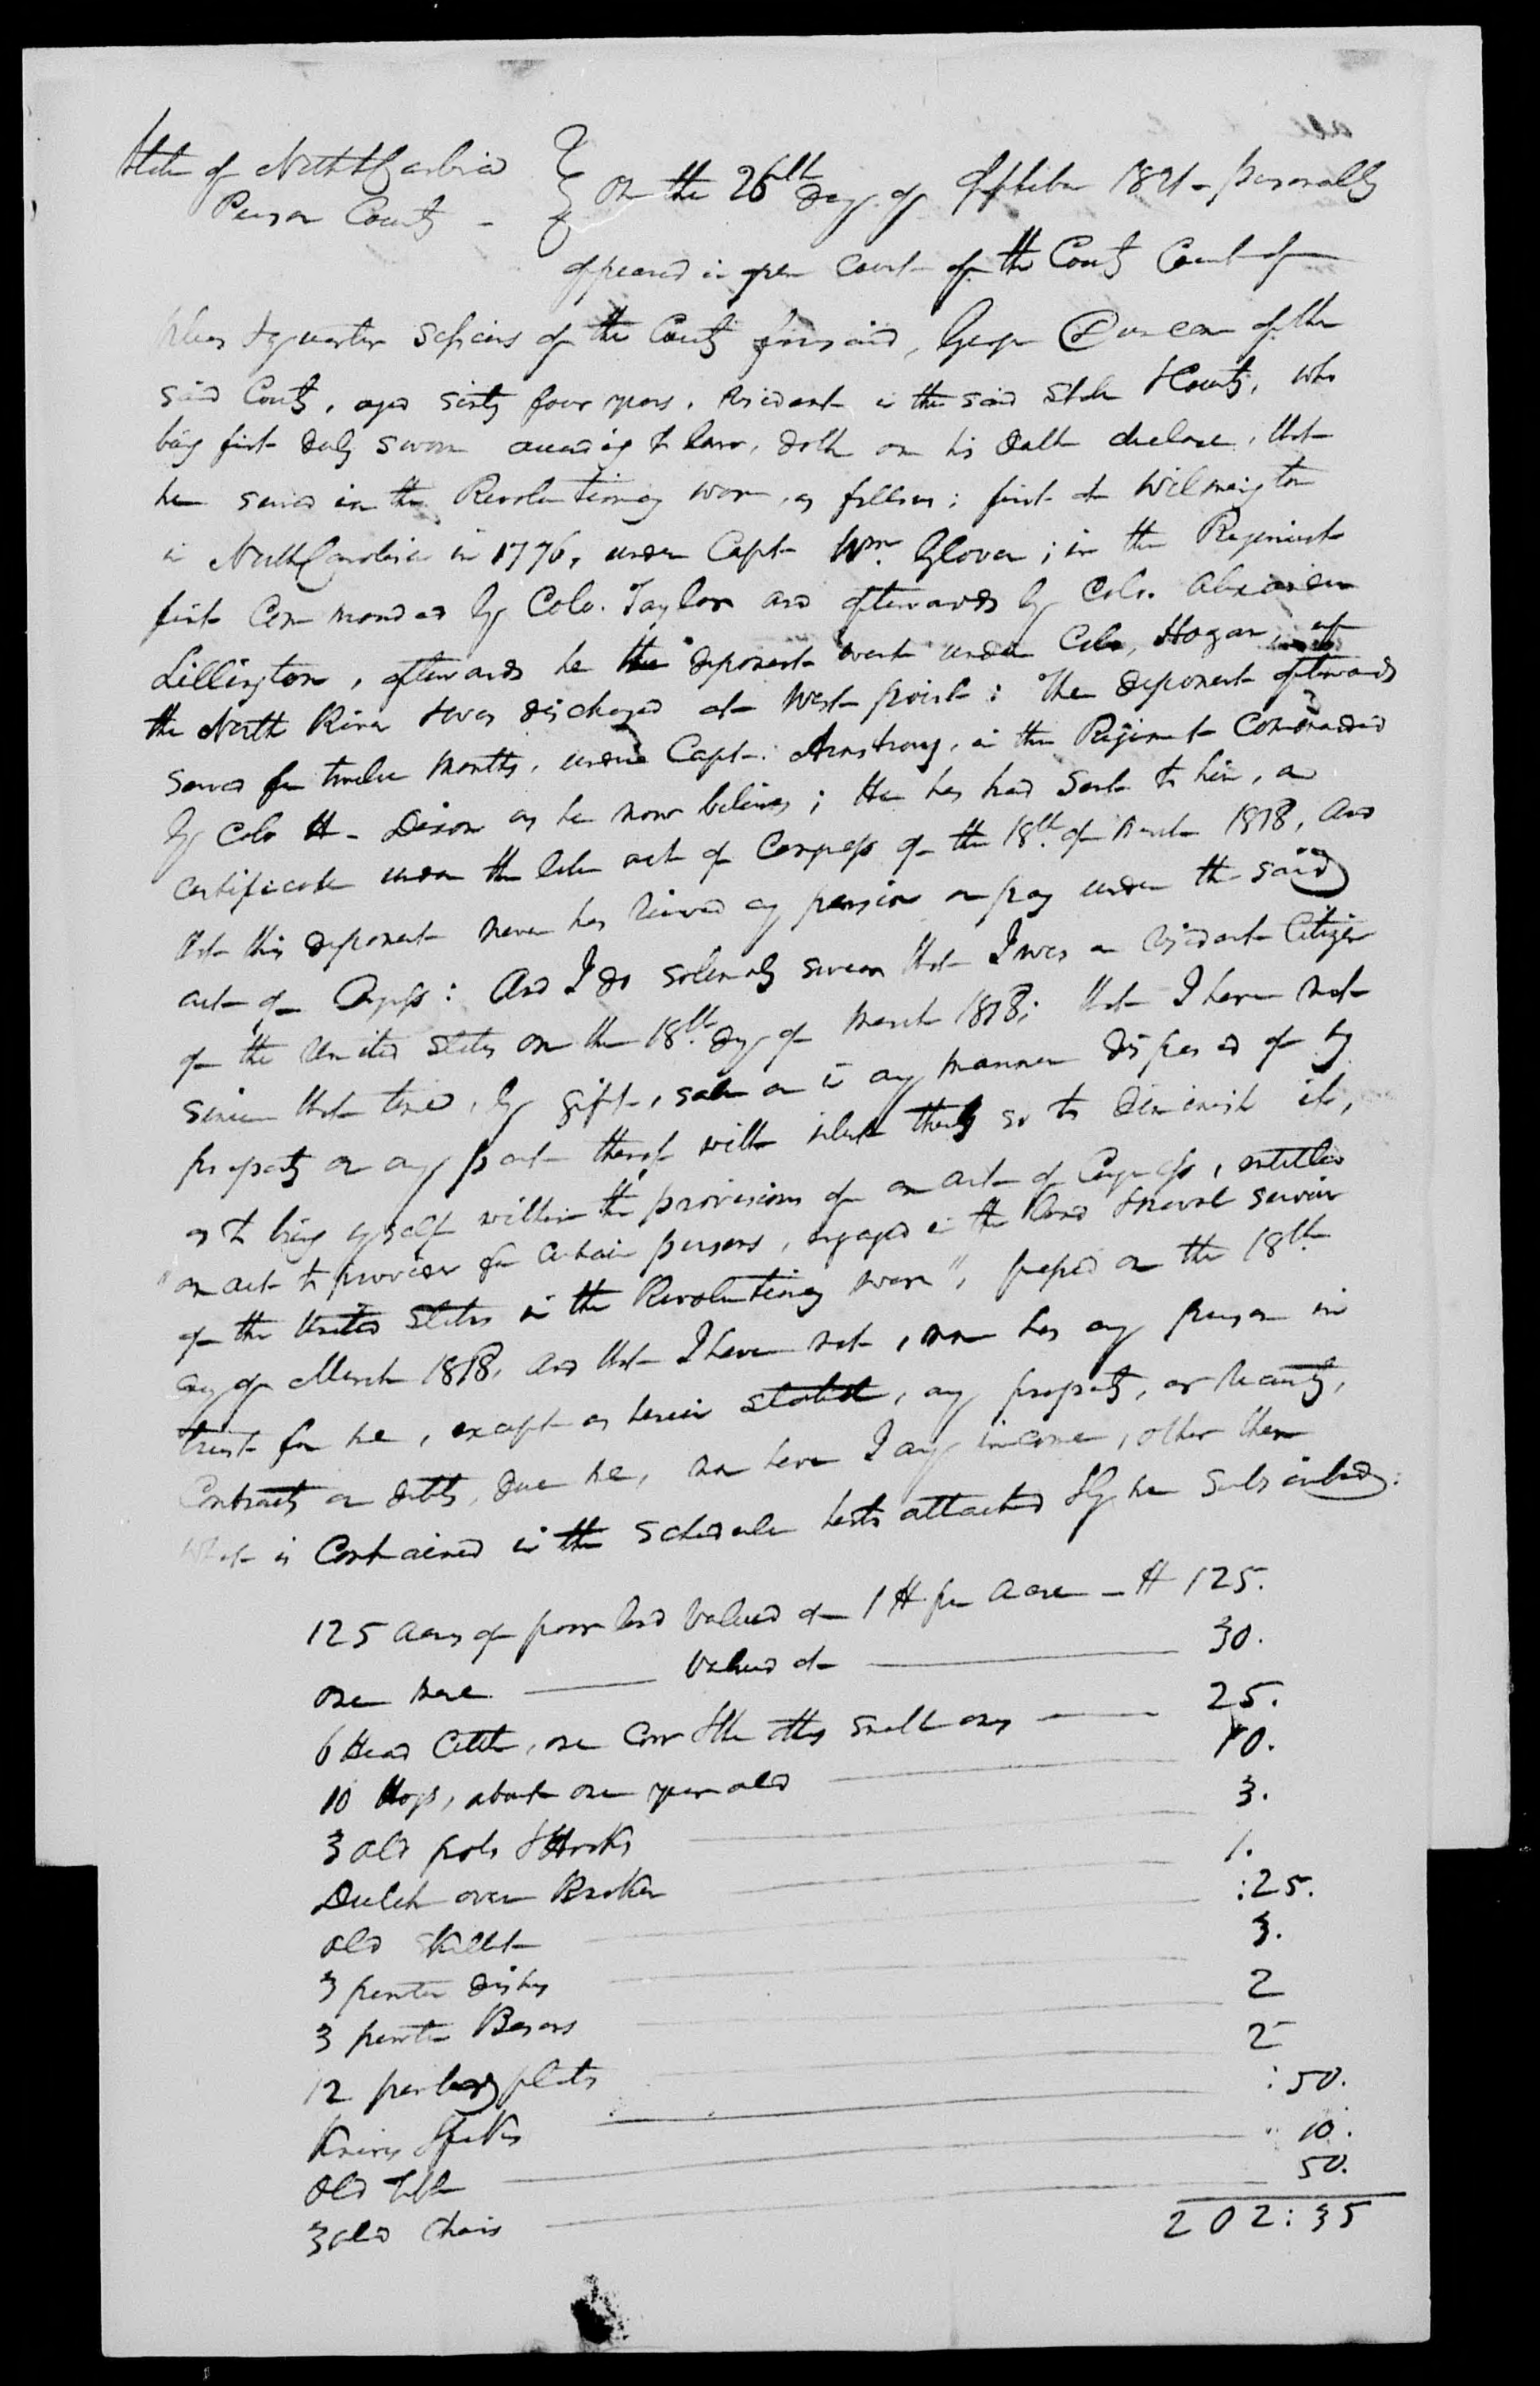State of North Carolina }
Person County }
On the 25th day of September 1821 personally appeared in open court of the County Court of pleas and quarter sessions of the County aforesaid, George Duncan of the said County, aged sixty four years, resident in the said state and County, who being first duly sworn according to law, doth on his oath declare, that he served in the Revolutionary war as follows;
first at Wilmington in North Carolina in 1776, under Captain William. Glover; in the Regiment first commanded by Colonel Taylor and afterwards by Colonel Alexander Lillington, afterwards he the deponent went under Colonel. Hogan, at the North River and was discharged at West point: The deponent afterwards served for twelve months, under Captainn Anthony, in the Regiment commanded by Colonel. H. Dixon as he now believes; He has had sent to him, a certificate under the act of Congress of the 18th of Mach 1878, and after this deponent never has received a pension or pay under the said act of Congress: And I do solemnly swear that I was a resident citizen of the United States on the 18th day of March 1878; that I have not since that time, by gift, sale or in any manner disposed of my property or any part thereof 
with intent thus so to diminish it, or to bring myself within the provisions of an act of Congress, entitled "an act to provide for certain persons, engaged in the land and naval service of the United States in the Revolutionary war", passed on the 18th day of March 1818, and that I have not, nor has any person in trust for me, except herein stated, any property, or bounty contractsor debt, due me, nor have I any income, other than what is contained in the schedule hereto attached by me subscribed:

125 acres of farm land valued at $1 per acre - $125.
one horse--- valued at --- 30.
6 Head Cattle, one cow and three small [illegible] --- 25.
10 Hogs, about one year old --- 10.
3 old poles and hooks--- 3.
Dutch over Broken --- 1.
old skillet ---  :25.
3 pewter dishes --- 3.
3 pewter basins--- 2
12 pewter plates --- 2 -
knives and forks --- :50.
old table --- :10.
3 old chairs --- 50.
--------------------------------
                                     202.35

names: H Dixon, Hogan, Alexander Lillington, George Duncan, Wm Glover, Taylor, Armstrong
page: 45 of 49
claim: survivor's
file: S. 41513, George Duncan, N.C.